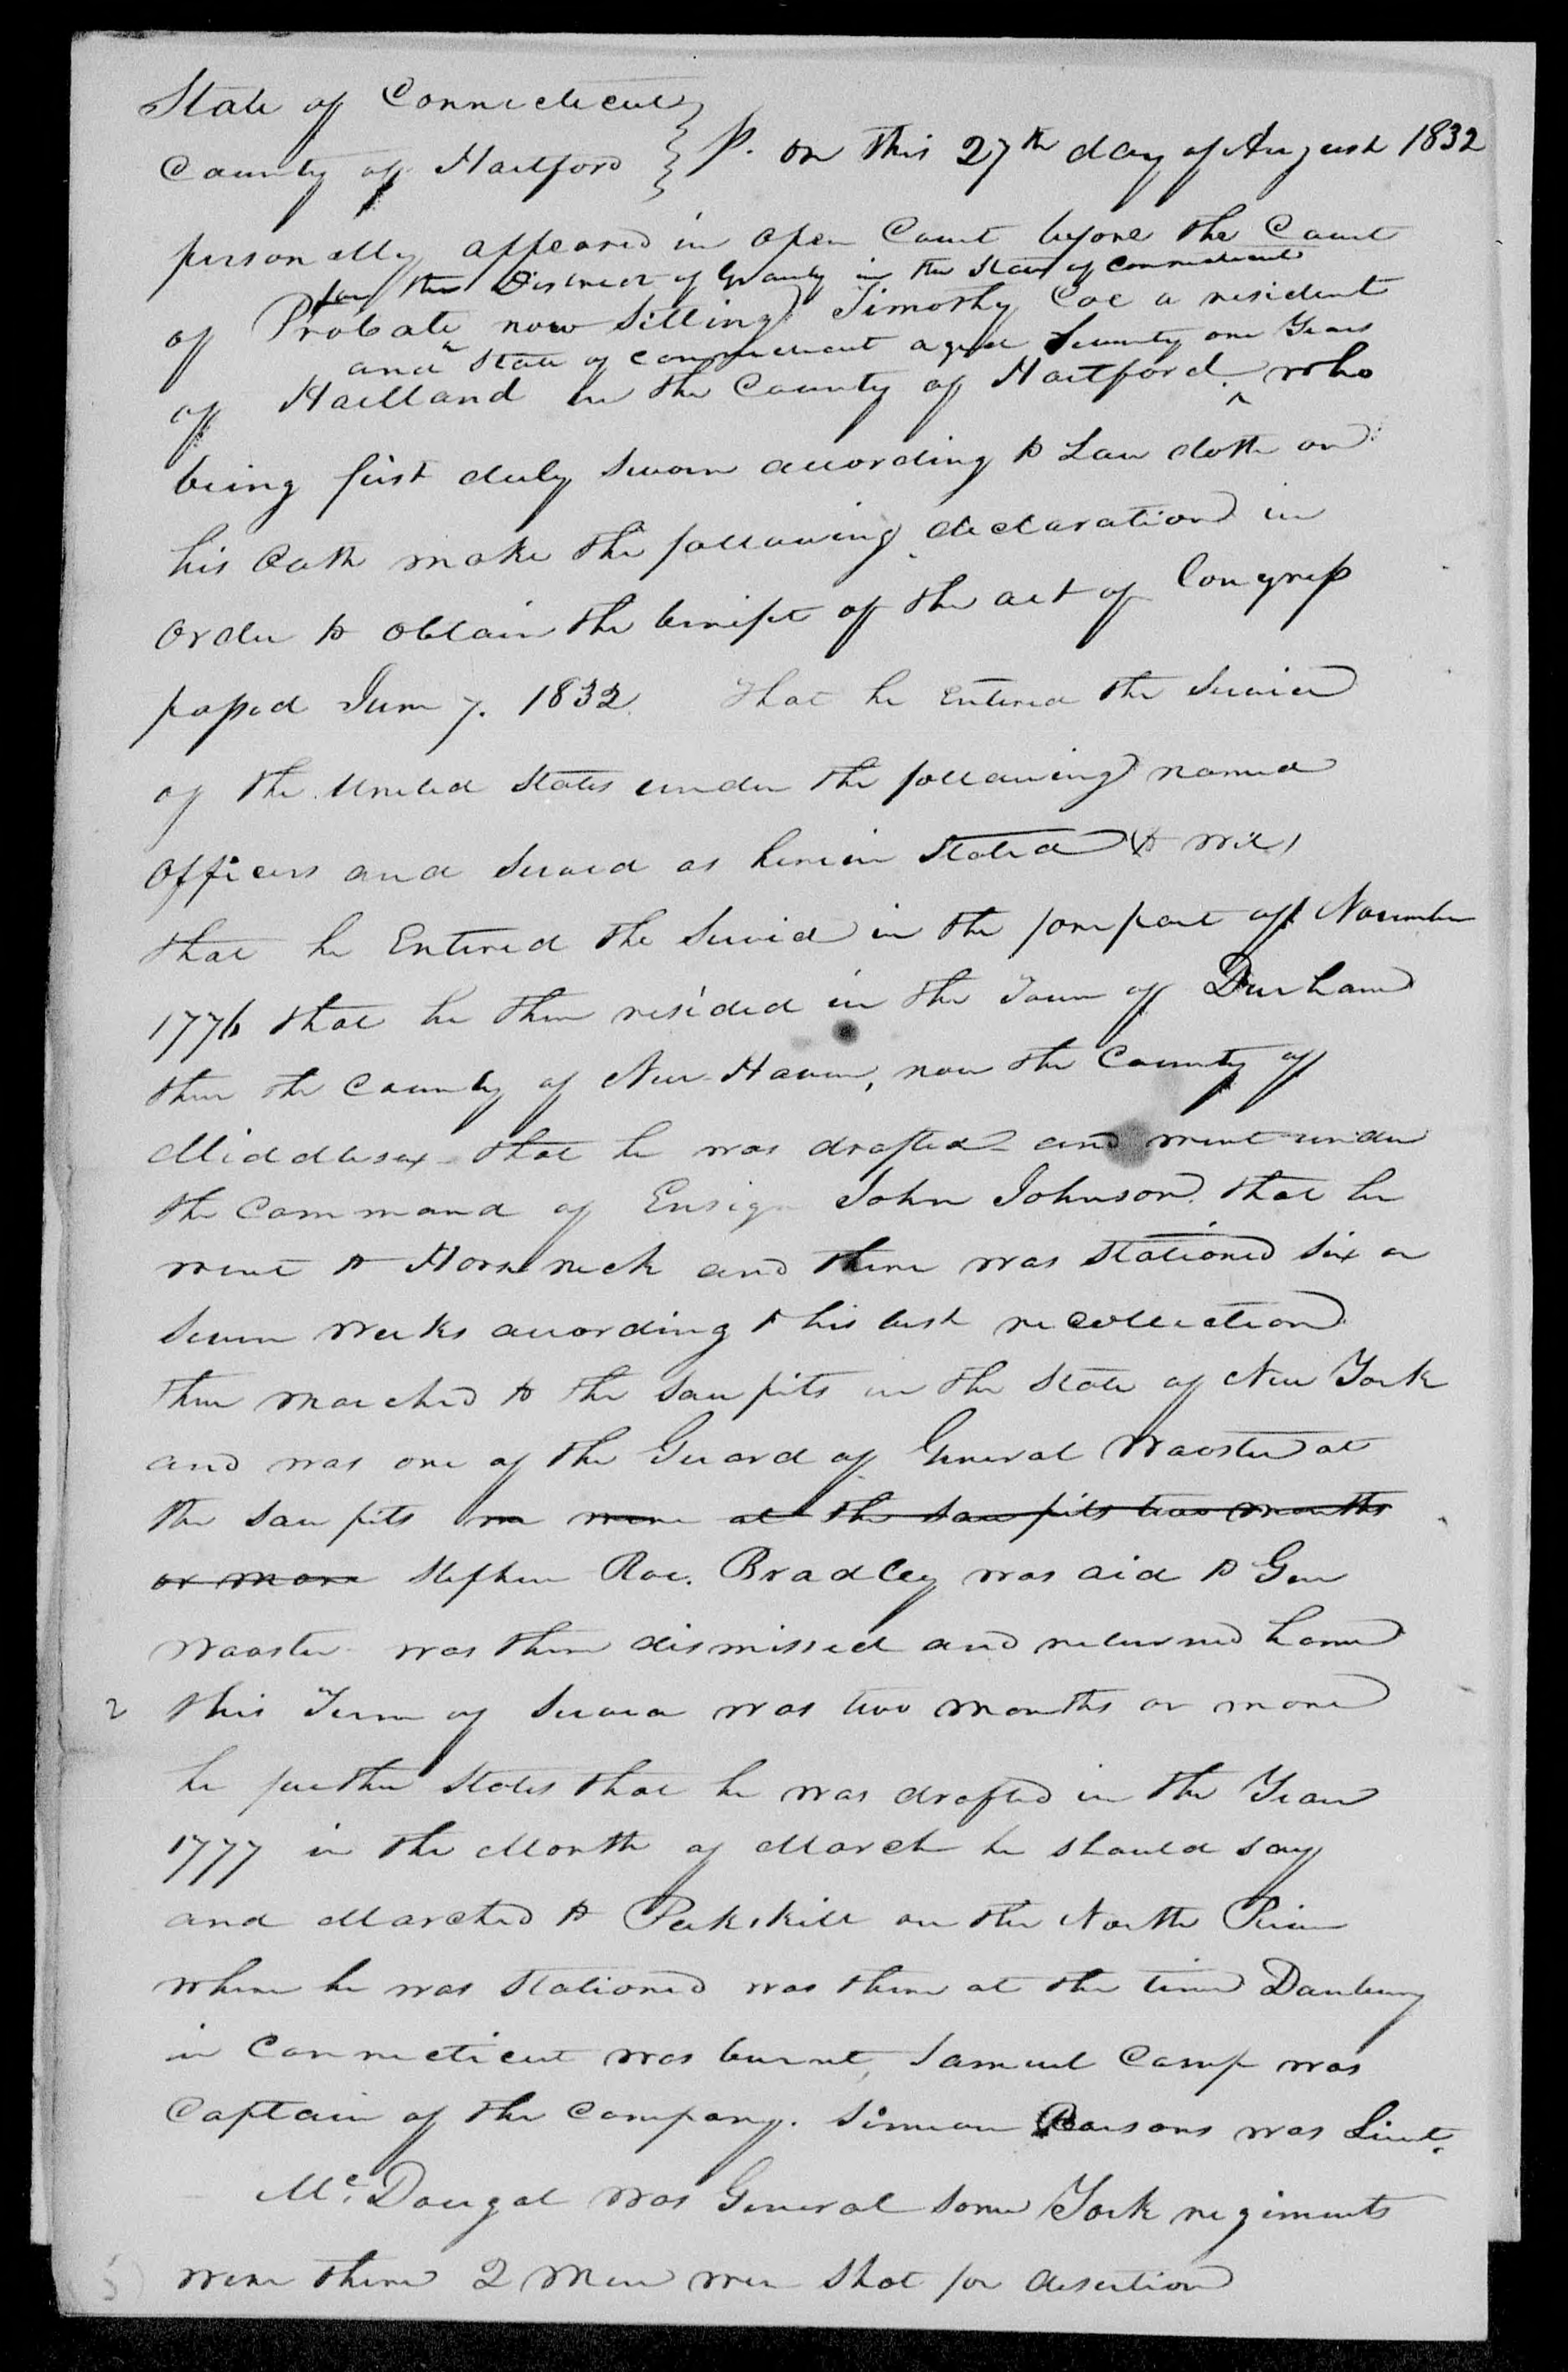State of Connecticut
County of Hartford on this 27th day of August 1832
personally appeared in open Court before the Court
for the District of Granby in the State of Connecticut
of
Probate now sitting Timothy Cole a resident
and State of Conferment aged Seventy one years
of Hartland in the County of Hartford who
being first duly sworn according to Law doth on
his oath make the following declaration in
order to obtain the benefit of the act of Congress
passed June 7. 1832. That he entered the service
of the United States under the following named
officers and served as herein stated to wit
that he entered the service in the forepart of Number
1776 that he then resided in the Town of Durham
then the County of New Haven, now the County of
Middlesex that he was drafted and went under the
command of Ensign John Johnson that he
went to Honnick and there was stationed six on
Seven Weeks according to his best recollection
then marched to the sawfits in the State of New York
and was one of the Guard of General Wooster at the saw fits or was at the sawfits 
Stephen Roe, Bradley was aid to Gen
Waster was then dismissed and returned home
this Term of Service was two months or more
he further states that he was drafted in the year
1777 in the North of March he should say
and Marched P Pakskill on the North River
where he was stationed was then at the time Danbury
in Connecticut was burnt, Samuel Camp was
Captain of the Company, Simon Parsons was Line
McDougal was General Some York Regiments
were there 2 men were shot for desertion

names: Samuel Camp, Wooster, Mc Dougal, Wooster, Stephen Roe Bradley, John Johnson, Simeon Pearsons, Timothy Coe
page: 4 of 76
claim: widow's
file: W. 5,250, Timothy Coe, Conn.